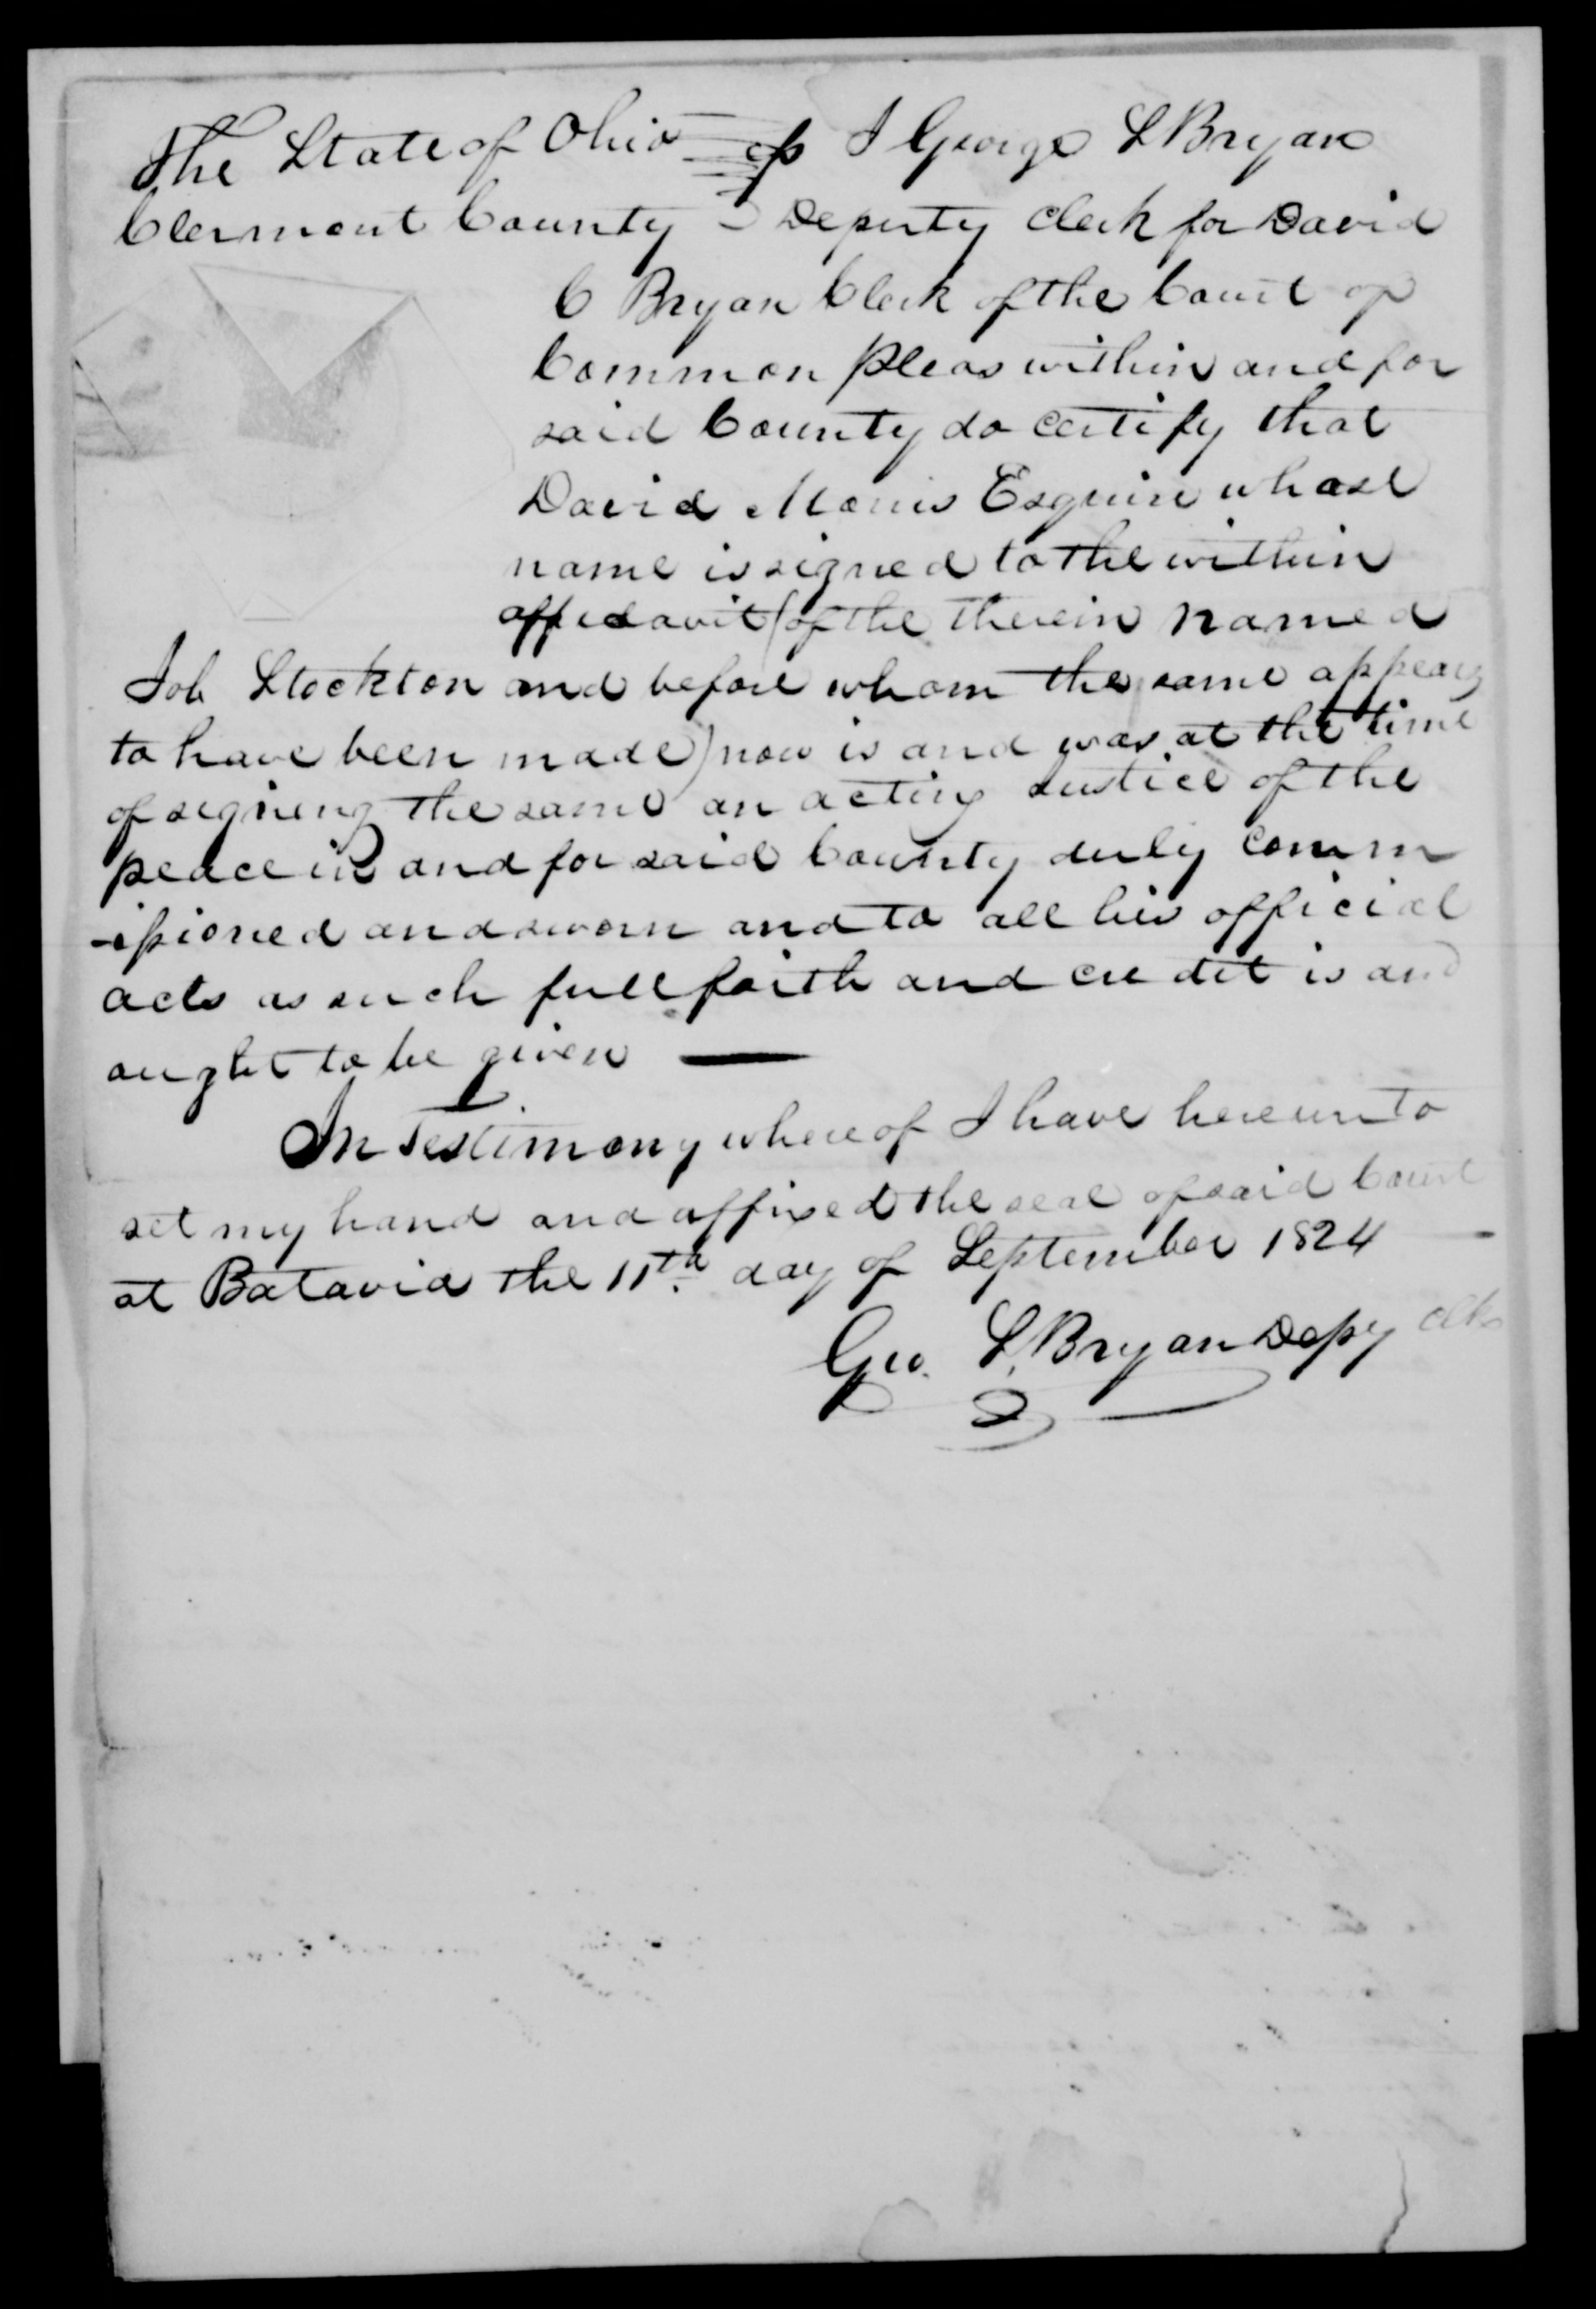The State of Ohio Clermont County } Ss I George L Bryan Deputy Clerk for David C Bryan Clerk of the Court of Common Pleas within and for said County do certify that David Morris Esquire whose name is signed to the within affidavit (of the therein named Job Stockton and before whom the same appears to have been made) now is and was at the time of signing the same an acting Justice of the Peace in and for said County duly commissioned and sworn and to all his official acts as such full faith and credit is and ought to be given - In Testimony whereof I have hereunto set my hand and affixed the sal of said Court at Batavia the 11th. day of September 1824 [signature:] George L. Bryan Depy clk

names: Job Stockton; George L Bryan; David C Bryan; David Morris; Geo L Bryan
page: 66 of 66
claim: survivor's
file: S 40458, for Obadiah Smith, New York